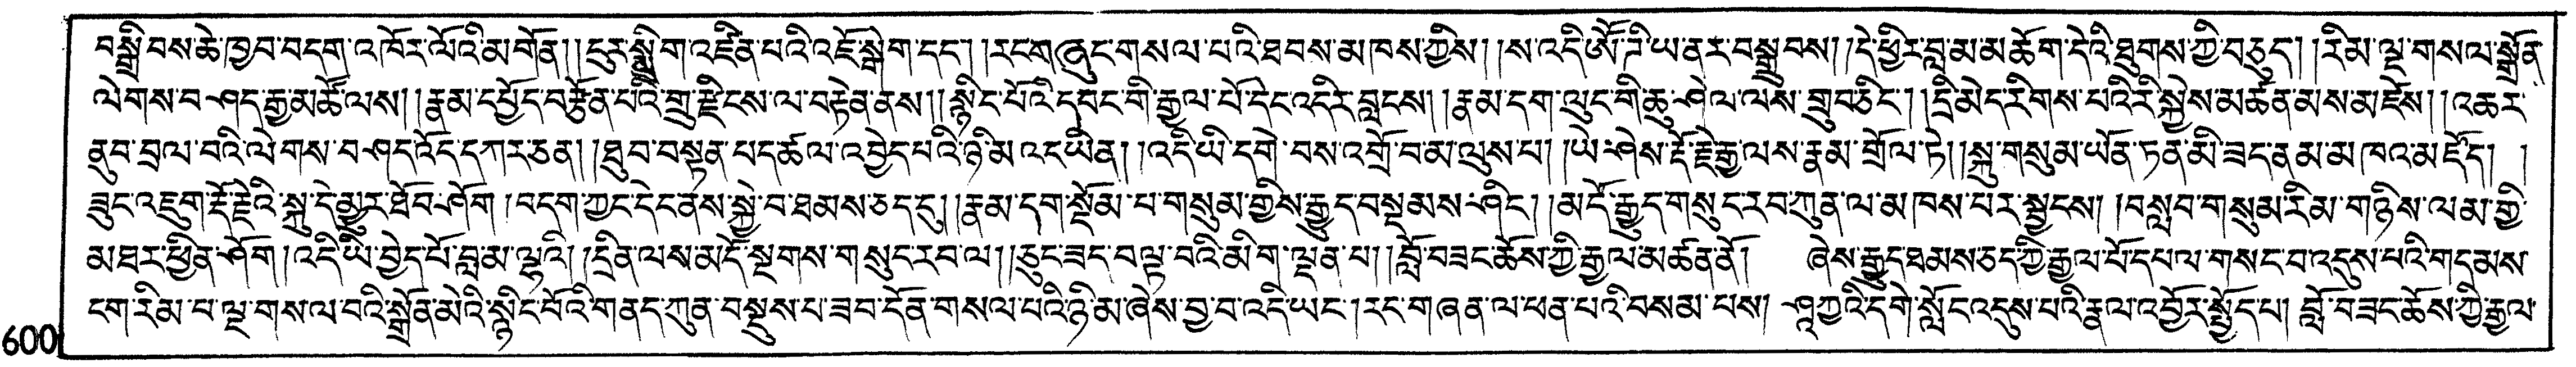བསྒྲིབས་ཆེ་ཁྱབ་བདག་འཁོར་ལོའི་མགོན། །ངུར་སྨྲིག་འཛིན་པའི་འཇོག་སྒེག་དང་། །རང་གཞུང་གསལ་པའི་ཐབས་མཁས་ཀྱིས། །ས་འདི་ཨཽ་ཌི་ཡ་ནར་བསྒྲུབས། །དེ་ཕྱིར་བླ་མ་མཆོག་དེའི་ཐུགས་ཀྱི་བཅུད། །རིམ་ལྔ་གསལ་སྒྲོན་
ལེགས་བཤད་རྒྱ་མཚོ་ལས། །རྣམ་དཔྱོད་བརྩོན་པའི་གྲུ་རྫིངས་ལ་བརྟེན་ནས། །སྙིང་པོའི་དབང་གི་རྒྱལ་པོ་དེང་འདིར་བླངས། །རྣམ་དག་ལུང་གི་ཆུ་ཤེལ་ལས་གྲུབ་ཅིང་། །དྲི་མེད་རིགས་པའི་རི་སྐྱེས་མཚན་མས་མཛེས། །འཆར་
ནུབ་བྲལ་བའི་ལེགས་བཤད་འོད་དཀར་ཅན། །ཐུབ་བསྟན་པད་ཚལ་འབྱེད་པའི་ཉི་མའང་ཡིན། །འདི་ཡི་དགེ་བས་འགྲོ་བ་མ་ལུས་པ། །ཡེ་ཤེས་རྡོ་རྗེ་རྒྱ་ལས་རྣམ་གྲོལ་ཏེ། །སྐུ་གསུམ་ཡོན་ཏན་མི་ཟད་ནམ་མཁའ་མཛོད། །
ཟུང་འཇུག་རྡོ་རྗེའི་སྐུ་དེ་མྱུར་ཐོབ་ཤོག །བདག་ཀྱང་དེང་ནས་སྐྱེ་བ་ཐམས་ཅད་དུ། །རྣམ་དག་སྡོམ་པ་གསུམ་གྱིས་རྒྱུད་བསྔམས་ཤིང་། །མདོ་རྒྱུད་གསུང་རབ་ཀུན་ལ་མཁས་པར་སྦྱངས། །བསླབ་གསུམ་རིམ་གཉིས་ལམ་གྱི་
མཐར་ཕྱིན་ཤོག །འདི་ཡི་བྱེད་པོ་བླ་མ་ལྷའི། །དྲིན་ལས་མདོ་སྔགས་གསུང་རབ་ལ། །ཅུང་ཟད་བལྟ་བའི་མིག་ལྡན་པ། །བློ་བཟང་ཆོས་ཀྱི་རྒྱལ་མཚན་ནོ། ཞེས་རྒྱུད་ཐམས་ཅད་ཀྱི་རྒྱལ་པོ་དཔལ་གསང་བ་འདུས་པའི་གདམས་
ངག་རིམ་པ་ལྔ་གསལ་བའི་སྒྲོན་མེའི་སྙིང་པོའི་གནད་ཀུན་བསྡུས་པ་ཟབ་དོན་གསལ་པའི་ཉི་མ་ཞེས་བྱ་བ་འདི་ཡང་། རང་གཞན་ལ་ཕན་པའི་བསམ་པས། ཤཱཀྱའི་དགེ་སློང་འདུས་པའི་རྣལ་འབྱོར་སྤྱོད་པ། བློ་བཟང་ཆོས་ཀྱི་རྒྱལ་